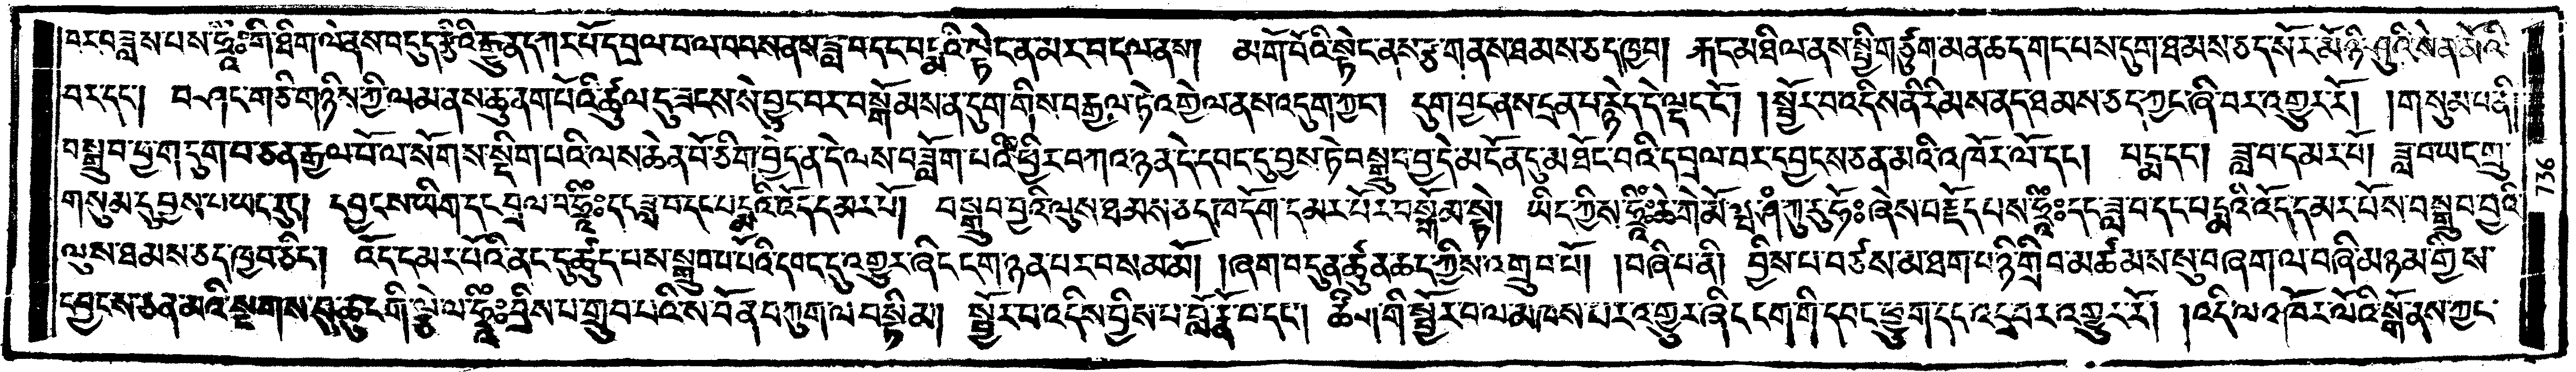བར་བཟླས་པས་ཧྲཱིཾཿ གི་ཐིག་ལེ་ནས་བདུད་རྩིའི་རྒྱུན་དཀར་པོ་དཔྲལ་བ་ལ་བབས་ནས་ཟླ་བ་དང་པདམའི་སྟེང་ན་མར་བདལ་ནས། མགོ་བོའི་སྟེང་ནས་རྩ་གནས་ཐམས་ཅད་ཁྱབ། རྐང་མཐིལ་ནས་སྦྱི་གཙུག་མན་ཆད་གང་པས་དུག་ཐམས་ཅད་སོར་མོ་ཉི་ཤུའི་སེན་མོའི་
བར་དང་། བཤད་གཅི་གཉིས་ཀྱི་ལམ་ནས་ཆུ་ནག་པོའི་ཚུལ་དུ་ཟངས་སེ་བྱུང་བར་བསྒོམས་ན་དུག་གིས་བརྒྱལ་ཏེ་འགྱེལ་ནས་འདུག་ཀྱང་། དུག་བྱང་ནས་དྲན་པ་རྙེད་དེ་ལྡང་ངོ། །སྦྱོར་བ་འདིས་ནི་རིམས་ནད་ཐམས་ཅད་ཀྱང་ཞི་བར་འགྱུར་རོ། །གསུམ་པ་ནི།
བསྒྲུབ་བྱ་གདུག་པ་ཅན་རྒྱལ་པོ་ལ་སོགས་སྡིག་བའི་ལས་ཆེན་པོ་ཅིག་བྱང་ན་དེ་ལས་བཟློག་པའི་ཕྱིར་བཀའ་ཉན་དེ་དབང་དུ་བྱས་ཏེ་བསྒྲུབ་བྱ་དེ་མངོན་དུ་མཐོང་བའི་དཔྲལ་བར་དབྱངས་ཅན་མའི་འཁོར་ལོ་དང་། པདམ་དང་། ཟླ་བ་དམར་པོ། ཟླ་བ་ཡང་གྲུ་
གསུམ་དུ་བྱས་པ་ཡང་རུང་། དབྱངས་ཡིག་དང་བྲལ་བ་ཧྲཱིཾཿ དང་ཟླ་བ་དང་པདམའི་འོད་དམར་པོ། བསྒྲུབ་བྱའི་ལུས་ཐམས་ཅད་ཁ་དོག་དམར་པོར་བསྒོམ་སྟེ། ཡིད་ཀྱིས་ཧྲཱིཾཿ ཆེ་གེ་མོ་ཝ་ཤཾ་ཀུ་རུ་ཧོཿ ཞེས་བརྗོད་པས་ཧྲཱིཾཿ དང་ཟླ་བ་དང་པདམའི་འོད་དམར་པོས་བསྒྲུབ་བྱའི་
ལུས་ཐམས་ཅད་ཁྱབ་ཅིང་། འོད་དམར་པོའི་ནང་དུ་ཚུད་པས་སྒྲུབ་པ་པོའི་དབང་དུ་འགྱུར་ཞིང་དག་ཉན་པར་བསམ་མོ། །ཞག་བདུན་ཚུན་ཆད་ཀྱིས་འགྲུབ་པོ། །བཞི་པ་ནི། བྱིས་པ་བཙས་མ་ཐག་པ་ཉི་གྲིབ་མཚམས་སུ་བཞག་ལ་བཞི་མཉམ་གྱིས་
དབྱངས་ཅན་མའི་སྔགས་བུ་ཆུང་གི་ལྕེ་ལ་ཧྲཱིཾཿ བྲིས་པ་གྲུབ་པའི་ས་བོན་བཀུག་ལ་བསྟི་མ། སྦྱོར་བ་འདིས་བྱིས་པ་བློ་རྣོ་བ་དང་། ཚིག་གི་སྦྱོར་བ་ལ་མཁས་པར་འགྱུར་ཞིང་ངག་གི་དབང་ཕྱུག་དང་འདྲ་བར་འགྱུར་རོ། །འདི་ལ་འཁོར་ལོའི་སྒོ་ནས་ཀྱང་